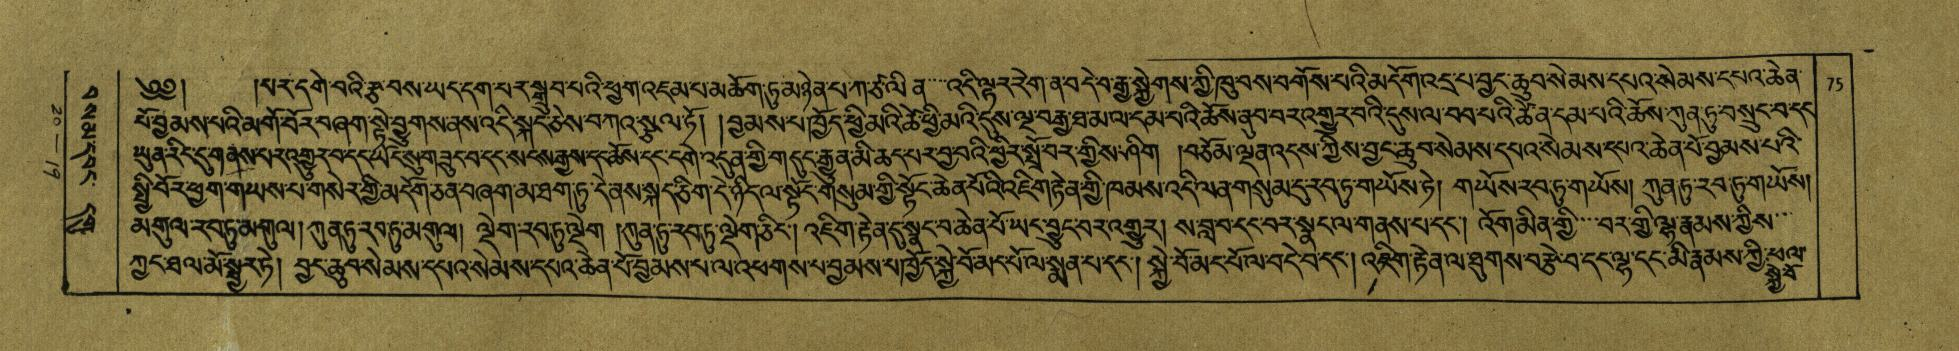༄༅། །པར་དགེ་བའི་རྩ་བས་ཡང་དག་པར་སྒྲུབ་པའི་ཕྱག་འཇམ་པ་མཆོག་ཏུ་མཉེན་པ་ཀ་ཙ་ལི་ན་འདི་ལྟར་རེག་ན་བདེ་བ་རྒྱ་སྐྱེགས་ཀྱི་ཁུ་བས་བགོས་པའི་མདོག་འདྲ་པ་བྱང་ཆུབ་སེམས་དཔའ་སེམས་དཔའ་ཆེན་
པོ་བྱམས་པའི་མགོ་བོར་བཞག་སྟེ་བྱུགས་ནས་འདི་སྐད་ཅེས་བཀའ་སྩལ་ཏོ། །བྱམས་པ་ཁྱོད་ཕྱི་མའི་ཚེ་ཕྱི་མའི་དུས་ལྔ་བརྒྱ་ཐ་མ་ལ་དམ་པའི་ཆོས་ནུབ་བར་འགྱུར་བའི་དུས་ལ་བབ་པའི་ཚེ་ན་དམ་པའི་ཆོས་ཀུན་ཏུ་བསྲུང་བ་དང་
ཡུན་རིང་དུ་གནས་པར་འགྱུར་བ་དང་ཡོང་སུ་གཟུང་བ་དང་སངས་རྒྱས་དང་ཆོས་དང་དགེ་འདུན་གྱི་གདུང་རྒྱུན་མི་ཆད་པར་བྱ་བའི་ཕྱིར་སྤྲོ་བར་གྱིས་ཤིག །བཅོམ་ལྡན་འདས་ཀྱིས་བྱང་ཆུབ་སེམས་དཔའ་སེམས་དཔའ་ཆེན་པོ་བྱམས་པའི་
སྦྱི་བོར་ཕྱག་གཡས་པ་གསེར་གྱི་མདོག་ཅན་བཞག་མ་ཐག་ཏུ་དེ་ནས་སྐད་ཅིག་དེ་ཉིད་ལ་སྟོང་གསུམ་གྱི་སྟོང་ཆེན་པོའི་འཇིག་རྟེན་གྱི་ཁམས་འདི་ལན་གསུམ་དུ་རབ་ཏུ་གཡོས་ཏེ། གཡོས་རབ་ཏུ་གཡོས། ཀུན་ཏུ་རབ་ཏུ་གཡོས།
མགུལ་རབ་ཏུ་མགུལ། ཀུན་ཏུ་རབ་ཏུ་མགུལ། ལྡེག་རབ་ཏུ་ལྡེག །ཀུན་ཏུ་རབ་ཏུ་ལྡེག་ཅིང་། འཇིག་རྟེན་དུ་སྣང་བ་ཆེན་པོ་ཡང་བྱུང་བར་འགྱུར། ས་བླ་བ་དང་བར་སྣང་ལ་གནས་པ་དང་། འོག་མིན་གྱི་བར་གྱི་ལྷ་རྣམས་ཀྱིས་
ཀྱང་ཐལ་མོ་སྦྱར་ཏེ། བྱང་ཆུབ་སེམས་དཔའ་སེམས་དཔའ་ཆེན་པོ་བྱམས་པ་ལ་འཕགས་པ་བྱམས་པ་ཁྱོད་སྐྱེ་བོ་མང་པོ་ལ་སྨན་པ་དང་། སྐྱེ་བོ་མང་པོ་ལ་བདེ་བ་དང་། འཇིག་རྟེན་ལ་ཐུགས་བརྩེ་བ་དང་ལྷ་དང་མི་རྣམས་ཀྱི་སྐྱེ་བོ་ཕལ་